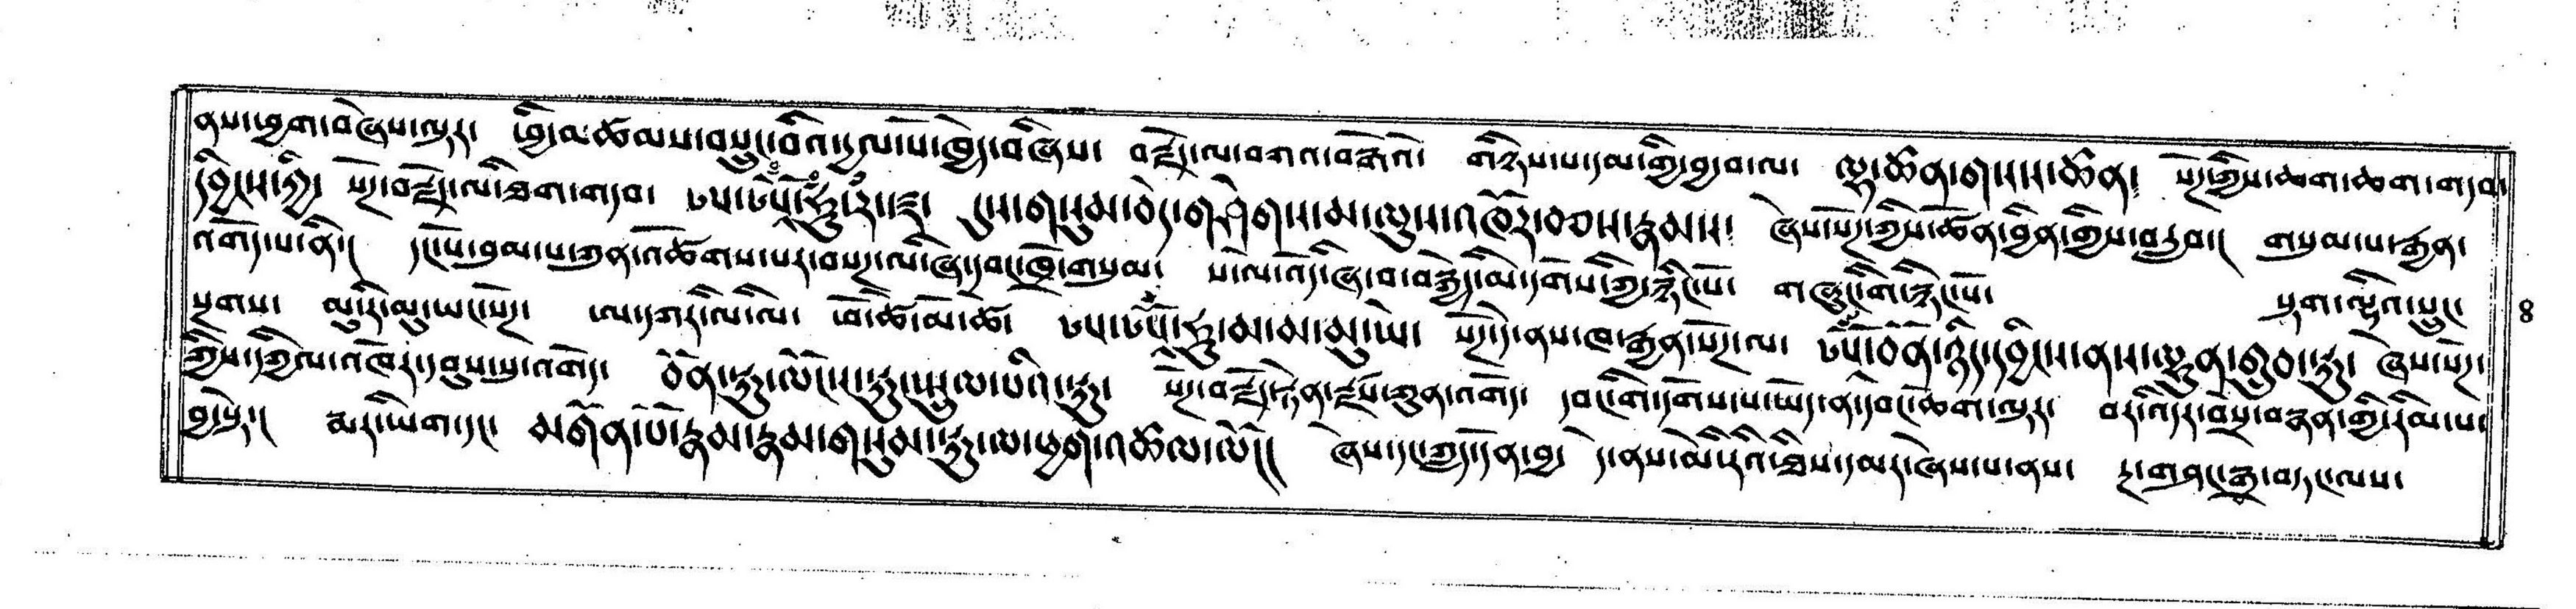ནས་ཕྱག་བཞེས་ལྟར་ཕྱི་མཚམས་བསྲུང་བའི་རྒྱལ་པོ་ཁྱེད་བཞིས་བརྗོད་ལ་བཀའ་བསྒོའོ། གཉིས་པ་དམ་གྱི་བྱ་བ་ལ་ལྷ་ཚན་གསས་ཚན་སོགས་ཀྱིས་ཆག་ཆག་གདབ་
དབྱིངས་ཀྱི། སོགས་བརྗོད་ལ་ཐིག་གདབ། ཨ་ཨཱོཾ་ཧཱུཾ་རཾ་ཛ། དུས་གསུམ་བདེ་གཤེགས་མ་ལུས་འཁོར་བཅས་རྣམས། ཞེས་སོགས་ཀྱིས་ཚོན་བྱིན་གྱིས་བརླབ། གསུམ་པ་རྒྱན་
འགོད་པ་ནི། དང་པོ་བུམ་པ་ཀུན་འཚོགས་པར་བསགས་ལ་ཞི་དབང་ཁྲོ་གསུམ། ས་ལེ་འོད་ཞི་བ་བསྐྱེད་མི་དགོས་ཀྱི་སྙིང་པོ། གཞུང་གི་སྙིང་པོ། སྟག་ལྷའི་སྲུང་
སྔགས། མུ་རི་མི་ཡང་སོགས། ཨ་དཀར་ལི་ལི། ཕོ་ཚེ་མོ་ཚེ། ཨ་ཨཱོཾ་ཧཱུཾ་མ་མ་མུ་ཡེ། སོགས་དེ་ནས་ཁ་རྒྱན་སོགས་ལ། ཨཱོཾ་བོན་ཉིད་དབྱིངས་ནས་ལྷུན་གྲུབ་སྐུ། ཞེས་སོགས་
ཀྱིས་དཀྱིལ་འཁོར་དབུས་སུ་འགོད། བོན་སྐུ་ལོངས་སྐུ་སྤྲུལ་པའི་སྐུ། སོགས་བརྗོད་རྟེན་རྫས་ཀུན་འགོད། དབང་གི་དགོས་པ་ཡོད་ན་དབང་ཆོག་ལྟར། བར་འདིར་བསྲེ་བསྣན་གྱི་རིམ་པ་
བྱ་སྟེ། སྨར་ཡིག་དང་། མགོན་པོ་རྣམ་གསུམ་སྐུ་ལ་ཕྱག་འཚལ་ལོ།། ཞེས་དང་ཀླད་དོན་བྱ། དེ་ནས་མེ་རིའི་ཐིས་དམར་ཞེས་པ་ནས། རྔ་གཤང་སྒྲ་བཏང་ལས་